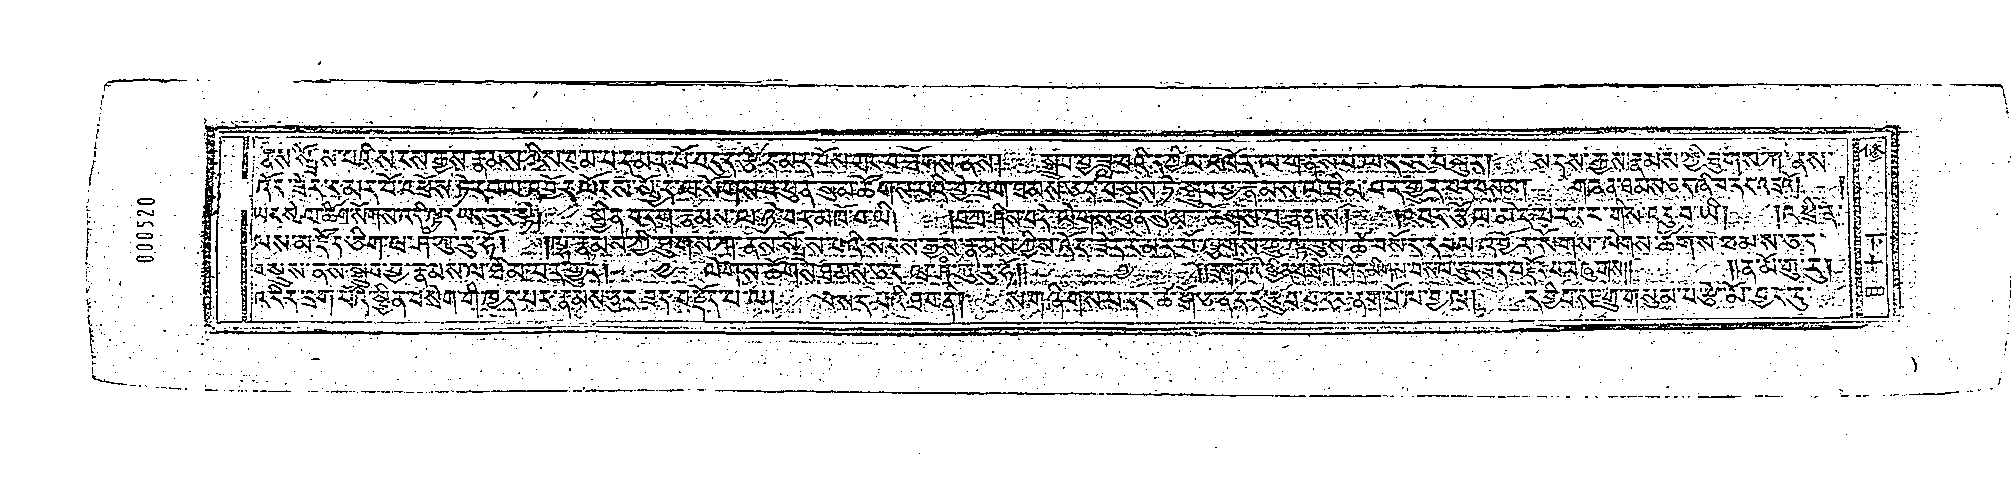ནས་སྤྲོས་པའི་སངས་རྒྱས་རྣམས་ཀྱིས་བུམ་པ་དམར་པོ་བདུད་རྩི་དམར་པོས་གང་བ་ཐོགས་ནས། སྒྲུབ་བྱ་ཟླ་བའི་དཀྱིལ་འཁོར་ལ་གནས་པ་ལ་དབང་བསྐུར། སངས་རྒྱས་རྣམས་ཀྱི་ཐུགས་ཀ་ནས་
འོད་ཟེར་དམར་པོ་འཕྲོས་ཏེ་དབལ་འབྱོར་ལོངས་སྤྱོད་ལ་སོགས་པ་ཕུན་སུམ་ཚོགས་པའི་བྱེ་བྲག་ཐམས་ཅད་བསྡུས་ཏེ་སྒྲུབ་བྱ་རྣམས་ལ་ཐིམ་པར་གྱུར་པར་བསམ། གཞན་ཐམས་ཅད་ཞི་བ་དང་འདྲའོ། ། ག་པང་སྤེལ་ཚིག་སོགས་འདི་ལྟར་ཡང་རུང་སྟེ། སྦྱིན་བདག་རྣམས་ལ་ཉེ་བར་མཁོ་བ་ཡི། །བཀྲ་ཤིས་བདེ་ལེགས་ཕུན་སུམ་ཚོགས་པ་རྣམས། །འབད་རྩོལ་མེད་པར་རང་གིས་འདུ་བ་ཡི། །འཕྲིན་
པས་མཛོད་ཅིག་ཝ་ཤཾ་ཀུ་རུ་ཧོ། །ལྷ་རྣམས་ཀྱི་ཐུགས་ཀ་ནས་སྤྲོས་པའི་སངས་རྒྱས་རྣམས་ཀྱིས་འོད་ཟེར་དམར་པོ་ལྕགས་ཀྱུ་ལྟ་བུས་ཚེ་བསོད་དཔལ་འབྱོར་སོགས་ལེགས་ཚོགས་ཐམས་ཅད་
བསྡུས་ནས་སྒྲུབ་བྱ་རྣམས་ལ་ཐིམ་པར་གྱུར། ༧་ལེགས་ཚོགས་ཐམས་ཅད་ཝ་ཤཾ་ཀུ་རུ་ཧོ།། ༧་།།དྲག་པོའི་སྦྱིན་བསྲེག་གི་དམིག་བསལ་ཅུང་ཟད་བརྗོད་བ་བཞུགས།། །།ན་མོ་གུ་རུ།
འདིར་དྲག་པོའི་སྦྱིན་བསྲེག་གི་ཁྱད་པར་རྣམས་ཅུང་ཟད་བརྗོད་པ་ལ། བསད་པའི་ཐབ་ནི། ས་གཞི་གས་པ་དང་ཚ་སྒོ་ཅན་དང་རྩུབ་པ་དང་ནག་པོ་ལ་བྱ་ལ། དབྱིབས་གྲུ་གསུམ་པ་རྩེ་མོ་བྱང་དུ་